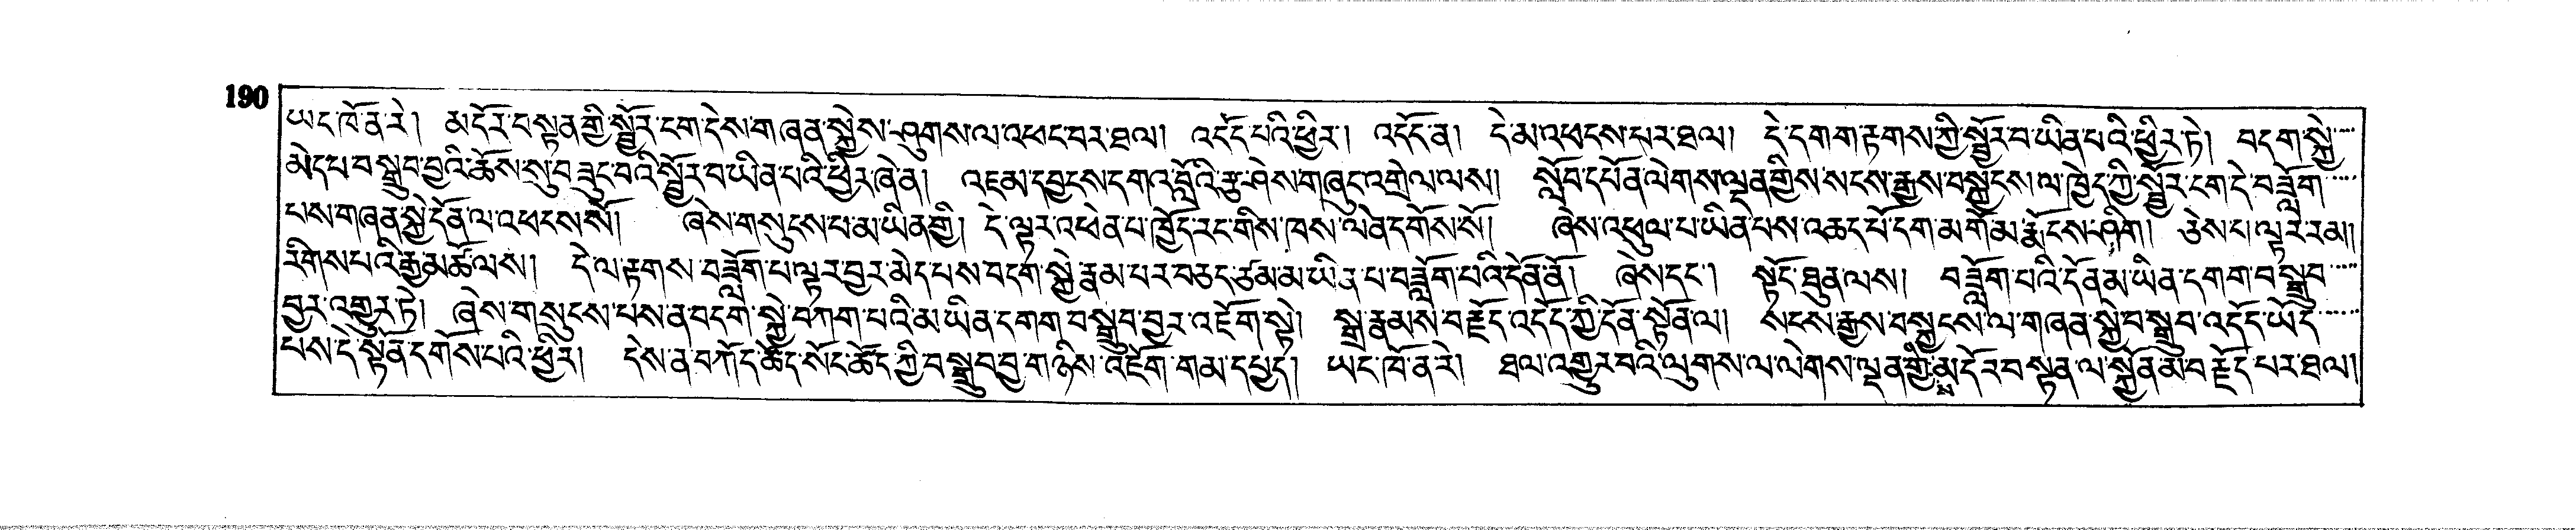ཡང་ཁོ་ན་རེ། མདོར་བསྟན་གྱི་སྦྱོར་ངག་དེས་གཞན་སྐྱེས་ཤུགས་ལ་འཕང་བར་ཐལ། འདོད་པའི་ཕྱིར། འདོད་ན། དེ་མ་འཕངས་པར་ཐལ། དེ་དགག་རྟགས་ཀྱི་སྦྱོར་བ་ཡིན་པའི་ཕྱིར་ཏེ། བདག་སྐྱེ་
མེད་པ་བསྒྲུབ་བྱའི་ཆོས་སུ་བཟུང་བའི་སྦྱོར་བ་ཡིན་པའི་ཕྱིར་ཞེ་ན། འཇམ་དབྱངས་དགའ་བློའི་རྩ་ཤེས་གཞུང་འགྲེལ་ལས། སློབ་དཔོན་ལེགས་ལྡན་གྱིས་སངས་རྒྱས་བསྐྱངས་ལ་ཁྱེད་ཀྱི་སྦྱོར་ངག་དེ་བཟློག་
པས་གཞན་སྐྱེ་དོན་ལ་འཕངས་སོ། ཞེས་གསུངས་པ་མ་ཡིན་གྱི། དེ་ལྟར་འཕེན་པ་ཁྱོད་རང་གིས་ཁས་ལེན་དགོས་སོ། །ཞེས་འཕུལ་པ་ཡིན་པས་འཆད་པོ་དག་མགོ་མ་རྨོངས་ཤིག། ཅེས་པ་ལྟར་རམ།
རིགས་པའི་རྒྱ་མཚོ་ལས། དེ་ལ་རྟགས་བཟློག་པ་ལྟར་བྱར་མེད་པས་བདག་སྐྱེ་རྣམ་པར་བཅད་ཙམ་མ་ཡིན་པ་བཟློག་པའི་དོན་ནོ། ཞེས་དང་། སྟོང་ཐུན་ལས། བཟློག་པའི་དོན་མ་ཡིན་དགག་བསྒྲུབ་
བྱར་འགྱུར་ཏེ། ཞེས་གསུངས་པས་ན་བདག་སྐྱེ་བཀག་པའི་མ་ཡིན་དགག་བསྒྲུབ་བྱར་འཇོག་སྟེ། སྒྲ་རྣམས་བརྗོད་འདོད་ཀྱི་དོན་སྟོན་ལ། སངས་རྒྱས་བསྐྱངས་ལ་གཞན་སྐྱེ་བ་སྒྲུབ་འདོད་ཡོད་
པས་དེ་སྟོན་དགོས་པའི་ཕྱིར། དེས་ན་བཀོད་ཚོད་སོང་ཚོང་ཀྱི་བསྒྲུབ་བྱ་གཉིས་འཇོག་གམ་དཔྱད། ཡང་ཁོ་ན་རེ། ཐལ་འགྱུར་བའི་ལུགས་ལ་ལེགས་ལྡན་གྱིས་མདོར་བསྟན་ལ་སྐྱོན་མ་བརྗོད་པར་ཐལ།